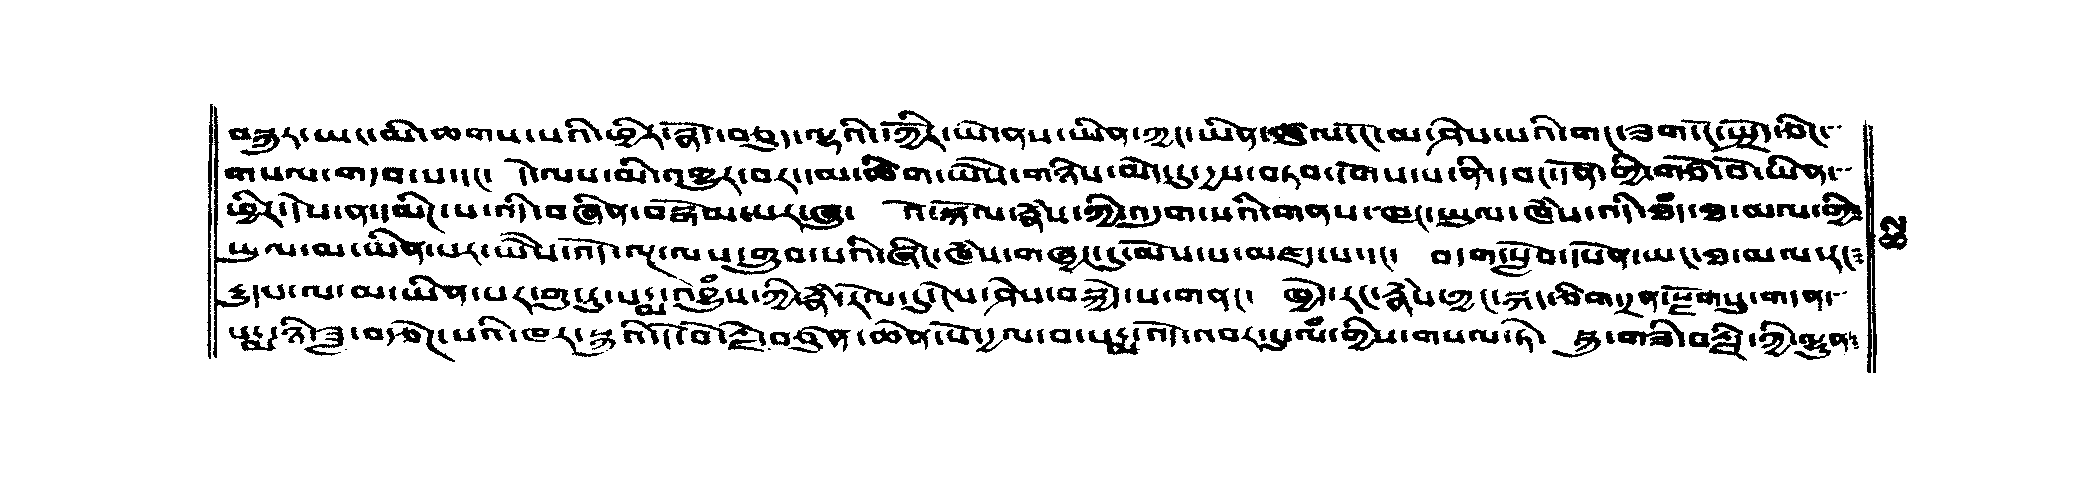བསྐུར་ཡང་མི་ཆགས་པའི་ཕྱིར་སྣོད་བཅུད་ལྷའི་དཀྱིལ་འཁོར་ཡེ་ནས་ཡིན་ཀྱང་ཡིན་ཚུལ་ངོ་མ་ཤེས་པའི་གང་ཟག་ངོ་སྤྲོད་ཅིང་
གསལ་གདབ་པ་དང་། དེ་ལས་མི་འགྱུར་བར་དམ་ཚིག་ཡེ་ཤེས་དབྱེར་མེད་དུ་རྒྱས་བཏབ་དགོས་པ་ནི་དབང་དོན་གྱི་གཙོ་བོ་ཡིན་
ཕྱིར་དེས་ན་དམིགས་པ་འདི་བཞིན་བསྒོམ་པར་ཞུ།འོ་སྐོལ་རྣམས་ཀྱི་འདུག་པའི་གནས་ཁང་་ཡུལ་ཁམས་འདི་ཐམས་ཅད་ཐ་མལ་གྱི་
ཡུལ་མ་ཡིན་པར་ཡེ་ཤེས་འོད་ལྔ་ལས་གྲུབ་པའི་ཞིང་ཁམས་གཞལ་ཡས་ཁང་དུ་མོས་པ་མཛད་པ་དང་། བདག་སློབ་དཔོན་ཡང་ཐ་མལ་རང་
རྒྱུད་པ་ལ་མ་ཡིན་པར་གུ་རུ་པདྨ་འབྱུང་གནས་ཀྱི་རྣམ་རོལ་དུ་ངེས་ཤེས་བསྐྱེད་པ་གནང་། ཁྱོད་རང་རྣམས་ཀྱང་སྐད་ཅིག་དྲན་རྫོགས་སུ་གདན་
པདྨ་ཉི་ཟླ་བརྩེགས་པའི་ཁར་སྐུའི་ངོ་བོ་རྗེ་བཙུན་ཆེན་པོ་རྒྱལ་བ་པདྨ་འོད་འབར་དུ་ལམ་གྱིས་གསལ་ཏེ། སྐུ་གཟི་བརྗིད་ཀྱི་ལྷུན་